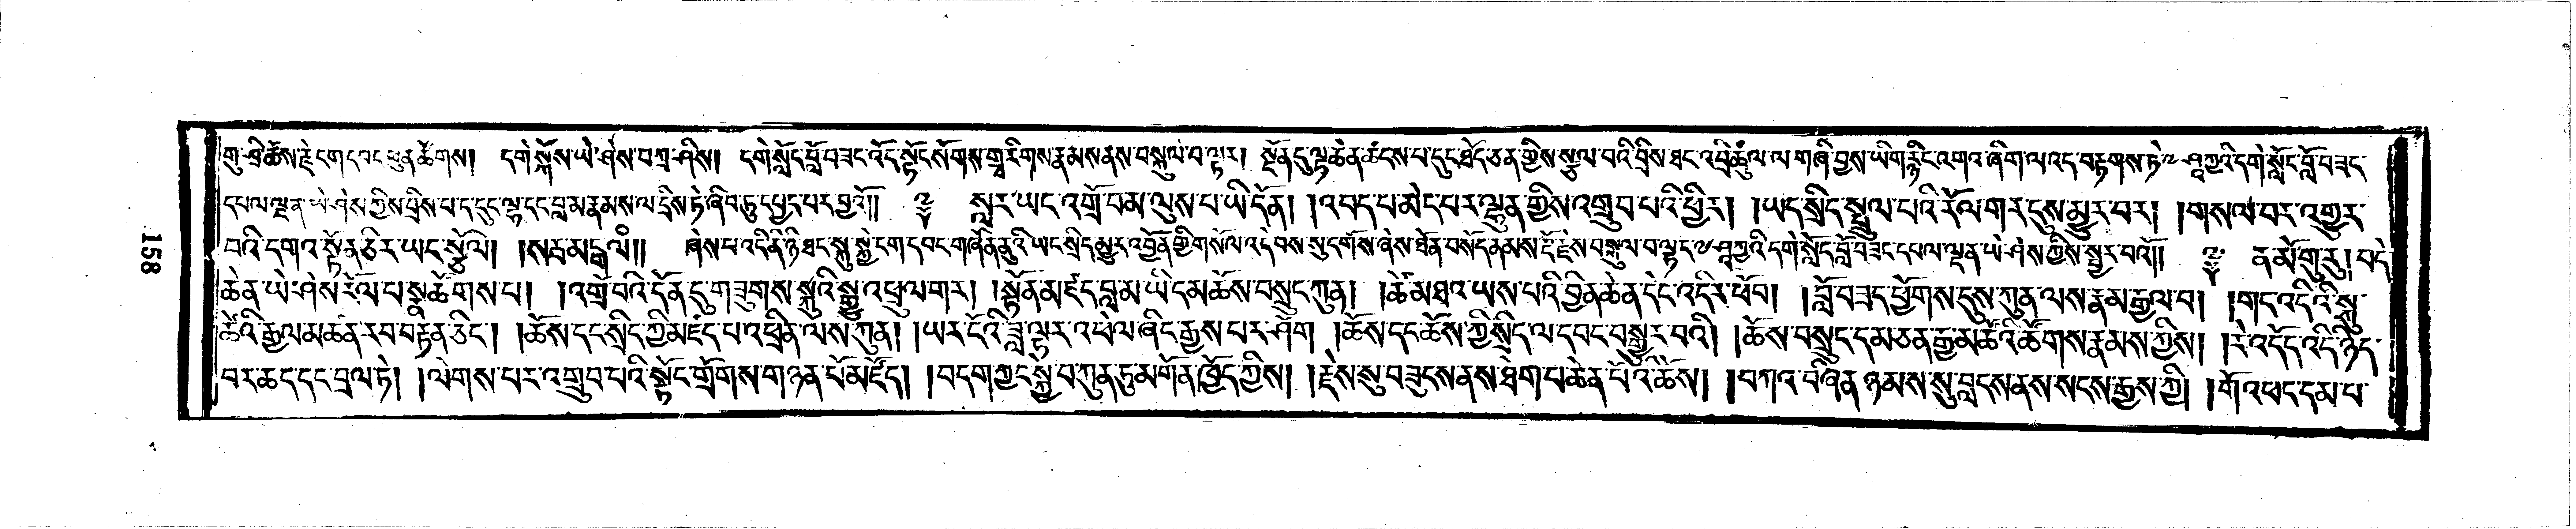གུ་ཤྲི་ཆོས་རྗེ་ངག་དབང་ཕུན་ཚོགས། དགེ་སྐོས་ཡེ་ཤེས་བཀྲ་ཤིས། དགེ་སློང་བློ་བཟང་འོད་སྟོང་སོགས་གྲྭ་རིགས་རྣམས་ནས་བསྐུལ་བ་ལྟར། སྔོན་དུ་ལྟ་ཆེན་ཚངས་པ་དུང་ཐོད་ཅན་གྱིས་སྩལ་བའི་བྲིས་ཐང་འབྲི་ཚུལ་ལ་གཞི་བྱས་ཡིག་རྙིང་འགའ་ཞིག་ལའང་བརྟགས་ཏེ་༧་ཤཱཀྱའི་དགེ་སློང་བློ་བཟང་
དཔལ་ལྡན་ཡེ་ཤེས་ཀྱིས་བྲིས་པ་ད་དུང་ལྷ་དང་བླ་མ་རྣམས་ལ་དྲིས་ཏེ་ཞིབ་ཏུ་དཔྱད་པར་བྱའོ།། ༈ སླར་ཡང་འགྲོ་བ་མ་ལུས་པ་ཡི་དོན། །འབད་པ་མེད་པར་ལྷུན་གྱིས་འགྲུབ་པའི་ཕྱིར། །ཡད་སྲིད་སྤྲུལ་པའི་རོལ་གར་དུས་མྱུར་བར། །གསལ་བར་འགྱུར་
བའི་དགའ་སྟོན་ཅིར་ཡང་སྩོལ། །སརྦ་མངྒ་ལཾ།། ཞེས་པ་འདི་ནི་ཉི་ཐང་སྐུ་སྐྱེ་ངག་དབང་གཞོན་ནུའི་ཡང་སྲིད་མྱུར་འབྱོན་གྱི་གསོལ་འདེབས་སུ་དགོས་ཞེས་ཐོན་བསོད་ནམས་རྡོ་རྗེས་བསྐུལ་བ་ལྟང་༧་ཤཱཀྱའི་དགེ་སློང་བློ་བཟང་དཔལ་ལྡན་ཡེ་ཤེས་ཀྱིས་སྦྱར་བའོ།། ༈ ན་མོ་གུ་རུ། བདེ་
ཆེན་ཡེ་ཤེས་རོལ་པ་སྣ་ཚོགས་པ། །འགྲོ་བའི་དོན་དུ་གཟུགས་སྐུའི་སྒྱུ་འཕྲུལ་གར། །སྟོན་མཛད་བླ་མ་ཡི་དམ་ཆོས་བསྲུང་ཀུན། །ཚེ་མཐའ་ཡས་པའི་བྱིན་ཆེན་དེང་འདིར་ཕོབ། །བློ་བཟང་ཕྱོགས་དུས་ཀུན་ལས་རྣམ་རྒྱལ་བ། །གང་འདིའི་སྐུ་
ཚེའི་རྒྱལ་མཚན་རབ་བརྟན་ཅིང་། །ཆོས་དང་སྲིད་ཀྱི་མཛད་པ་འཕྲིན་ལས་ཀུན། །ཡར་ངོའི་ཟླ་ལྟར་འཕེལ་ཞིང་རྒྱས་པར་ཤོག །ཆོས་དང་ཆོས་ཀྱི་སྲིད་ལ་དབང་བསྒྱུར་བའི། །ཆོས་བསྲུང་དམ་ཅན་རྒྱ་མཚོའི་ཚོགས་རྣམས་ཀྱིས། །རེ་འདོད་འདི་ཉིད་
བར་ཆད་དང་བྲལ་ཏེ། །ལེགས་པར་འགྲུབ་པའི་སྟོང་གྲོགས་གཉན་པོ་པྨྫོད། །བདག་ཀྱང་སྐྱེ་བ་ཀུན་ཏུ་མགོན་ཁྱོད་ཀྱིས། །རྗེས་སུ་བཟུངས་ནས་ཐེག་པ་ཆེན་པོའི་ཆོས། །བཀའ་བཞིན་ཉམས་སུ་བླངས་ནས་སངས་རྒྱས་ཀྱི། །གོ་འཕང་དམ་པ་